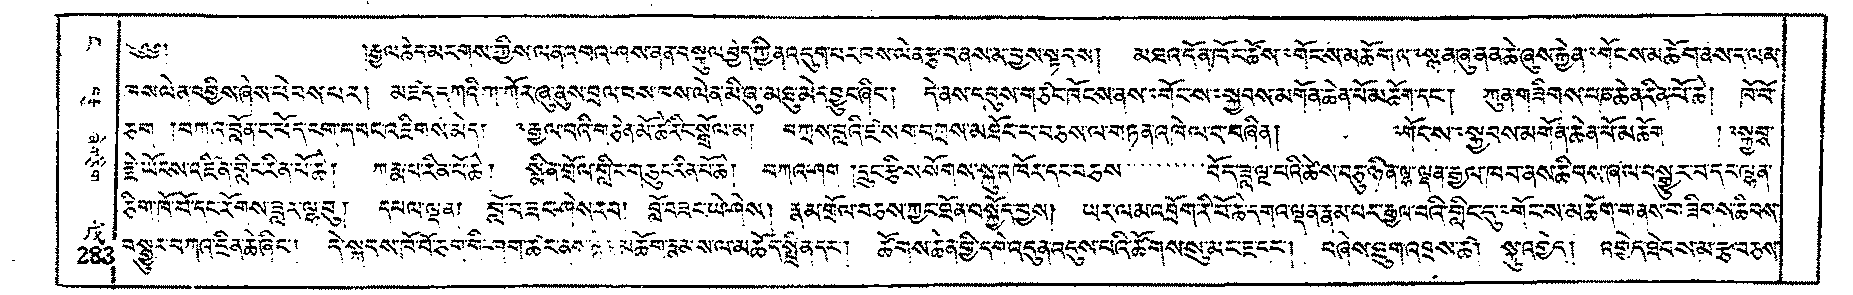༄༅། །རྒྱལ་ཆེད་མངགས་ཀྱིས་ལན་འགའ་ཤས་ནན་བསྐུལ་བྱེད་ཀྱིན་འདུག་པར་ཁས་ལེན་རྩ་བ་ནས་མ་བྱས་སྟབས། མཐའ་དོན་ཁོང་ཚོས་༧གོང་ས་མཆོག་ལ་༧སྙན་ཞུ་ནན་ཆེ་ཞུས་རྐྱེན་༧་གོང་ས་མཆོག་ནས་ད་ལམ་
ཁས་ལེན་བགྱིས་ཞེས་ཕེབས་པར། མཛད་དཀའི་ཀ་ཀོར་ཞུ་ནུས་བྲལ་བས་ཁས་ལེན་མི་ཞུ་མཐུ་མེད་བྱུང་ཞིང་། དེ་ནས་དབུས་གཙང་ཁོངས་ནས་༧གོང་ས་༧སྐྱབས་མགོན་ཆེན་པོ་མཆོག་དང་། ཀུན་གཟིགས་པཎ་ཆེན་རིན་པོ་ཆེ། ཁོ་བོ་
ཅག །བཀའ་བློན་ང་ཕོད་ངག་དབང་འཇིགས་མེད། ༧རྒྱལ་བའི་གཅེན་མོ་ཚེ་རིང་སྒྲོལ་མ། བཀྲས་བླའི་ཛ་སག་བཀྲས་མཐོང་པ་བཅས་ལ་གཏན་འཁེལ་བ་བཞིན། ༧གོང་ས་༧སྐྱབས་མགོན་ཆེན་པོ་མཆོག །༧སྐྱབས་
རྗེ་ཡོངས་འཛིན་གླིང་རིན་པོ་ཆེ། ཀརྨ་པ་རིན་པོ་ཆེ། སྨིན་གྲོལ་གླིང་གཅུང་རིན་པོ་ཆེ། བཀའ་ཤག །དྲུང་རྩིས་སོགས་སྐུ་འཁོར་དང་བཅས་བོད་ཟླ་ལྔ་པའི་ཚེས་བཅུ་ཉིན་ལྷ་ལྡན་རྒྱལ་ཁབ་ནས་ཆིབས་ཞལ་བསྒྱུར་བ་དང་ལྷན་
ཅིག་ཁོ་བོ་དང་རོགས་ཟླར་ལྷ་བུ། དཔལ་ལྡན། བློ་བཟང་ཤེས་རབ། བློ་བཟང་ཡེ་ཤེས། རྣམ་གྲོལ་བཅས་ཀྱང་ཐོན་བསྐྱོད་བྱས། ཡར་ལམ་འབྲོག་རི་བོ་ཆེ་དགའ་ལྡན་རྣམ་པར་རྒྱལ་བའི་གླིང་དུ་༧གོང་ས་མཆོག་གནས་གཟིགས་ཆིབས་
བསྒྱུར་བཀའ་དྲིན་ཆེ་ཞིང་། དེ་སྐབས་ཁོ་བོ་ཅག་གི་ཤག་ཚང་ནས་རྟེན་མཆོག་རྣམས་ལ་མཆོད་སྤྲིན་དང་། ཚོགས་ཆེན་གྱི་དགེ་འདུན་འདུས་པའི་ཚོགས་སུ་མང་ཇ་དང་། བཞེས་ཐུག་འབྲས་ཚ། སྐུ་འགྱེད། འགྱེད་ཐེབས་མ་རྩ་བཅས་